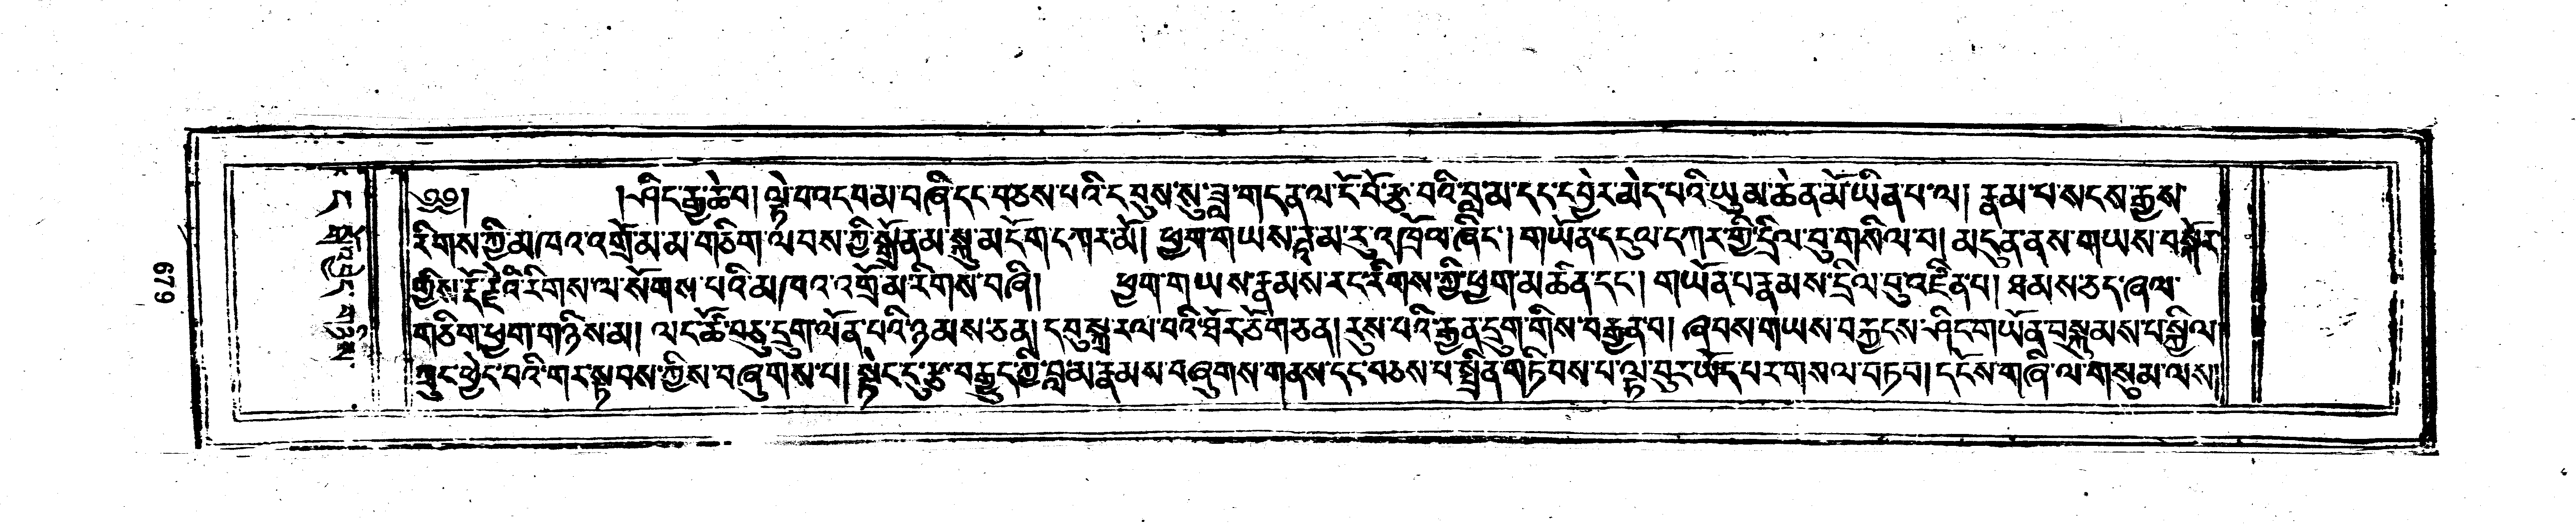༄༅། །ཤིང་རྒྱ་ཆེ་བ། ལྟེ་བ་འདབ་མ་བཞི་དང་བཅས་པའི་དབུས་སུ་ཟླ་གདན་ལ་ངོ་བོ་རྩ་བའི་བླ་མ་དང་དབྱེར་མེད་པའི་ཡུམ་ཆེན་མོ་ཡིན་པ་ལ། རྣམ་པ་སངས་རྒྱས་
རིགས་ཀྱི་མཁའ་འགྲོ་མ་མ་གཅིག་ལབས་ཀྱི་སྒྲོན་མ་སྐུ་མདོག་དཀར་མོ། ཕྱག་གཡས་ཌཱ་མ་རུ་འཁྲོལ་ཞིང་། གཡོན་དངུལ་དཀར་གྱི་དྲིལ་བུ་གསིལ་བ། མདུན་ནས་གཡས་བསྐོར་
གྱིས་རྡོ་རྗེའི་རིགས་ལ་སོགས་པའི་མཁའ་འགྲོ་མ་རིགས་བཞི། ཕྱག་གཡས་རྣམས་རང་རིགས་ཀྱི་ཕྱག་མཚན་དང་། གཡོན་པ་རྣམས་དྲིལ་བུ་འཛིན་པ། ཐམས་ཅད་ཞལ་
གཅིག་ཕྱག་གཉིས་མ། ལང་ཚོ་བཅུ་དྲུག་ལོན་པའི་ཉམས་ཅན། དབུ་སྐྲ་རལ་པའི་ཐོར་ཅོག་ཅན། རུས་པའི་རྒྱན་དྲུག་གིས་བརྒྱན་པ། ཞབས་གཡས་བརྐྱངས་ཤིང་གཡོན་བསྐུམས་པ་སྐྱིལ་
ཀྲུང་ཕྱེད་པའི་གར་སྟབས་ཀྱིས་བཞུགས་པ། སྟེང་དུ་རྩ་བརྒྱུད་ཀྱི་བླ་མ་རྣམས་བཞུགས་གནས་དང་བཅས་པ་སྤྲིན་གཏིབས་པ་ལྟ་བུར་ཡོད་པར་གསལ་བཏབ། དངོས་གཞི་ལ་གསུམ་ལས།